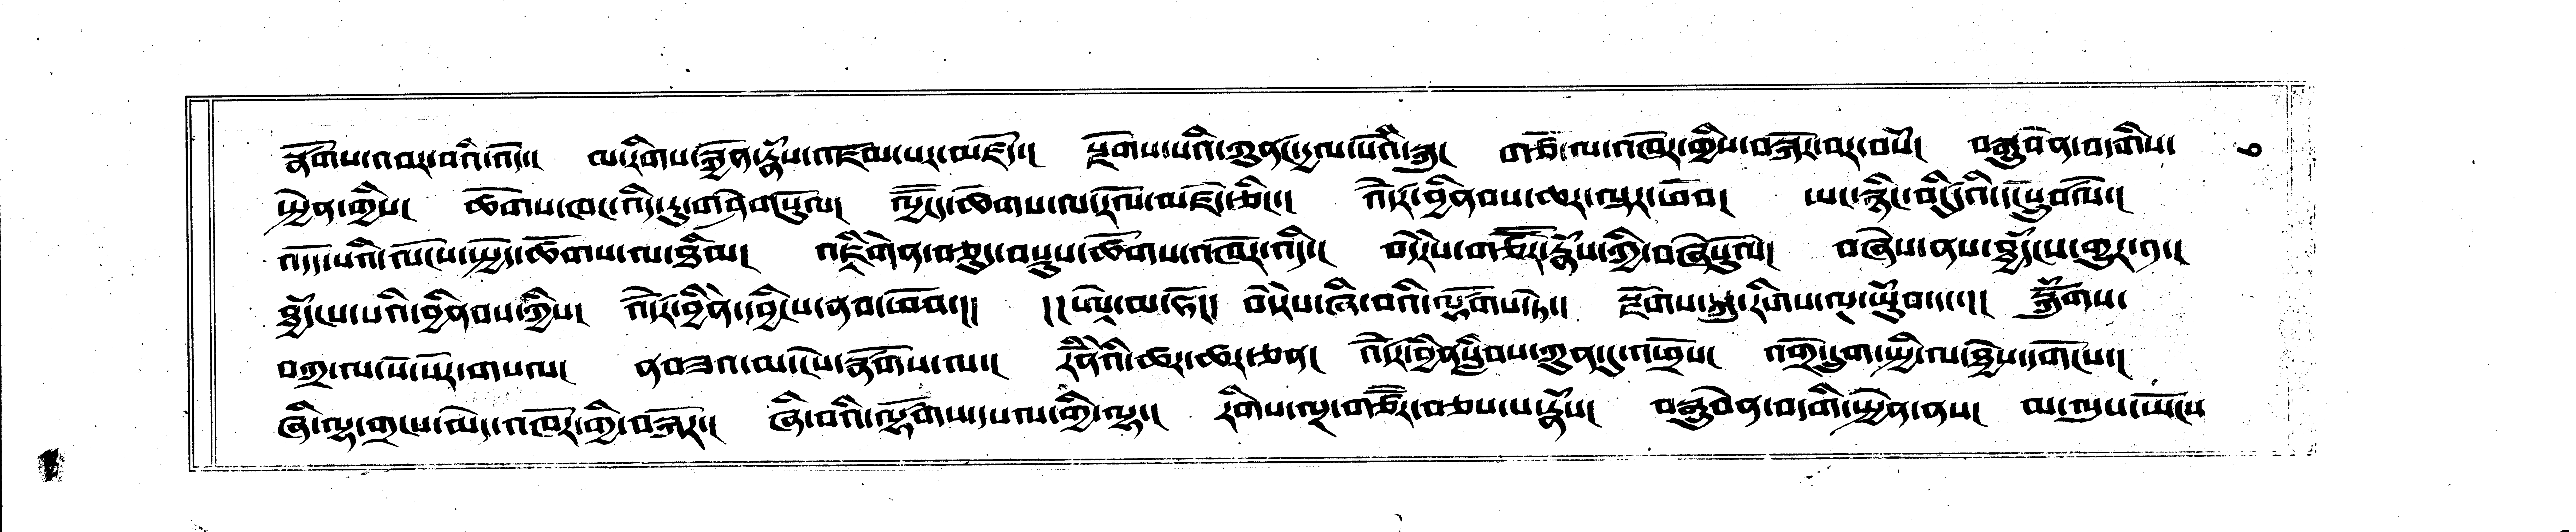སྣ་ཚོགས་འབར་བའི་འོད། མ་རིག་སྐྱོན་རྣམས་འཇོམ་པར་མཛོད། རྫོགས་པའི་ཀུན་བཟང་རྒྱལ་པོའི་སྐུ། གཙོ་ལ་འཁོར་གྱིས་བསྐོར་བར་བསམ། བསྒྲུབ་ཆེན་བདག་གིས་
སྤྱན་འདྲེན་གྱིས། ཚོགས་ཁང་འདི་རུ་གཤེགས་སུ་གསོལ། ལོངས་སྤྱོད་ཚོགས་ལ་རོལ་མཛོད་ཅིང་། འོད་ཟེར་བྱིན་རླབས་ཆར་ལྟར་ཕོབ། ཡང་སྙིང་བདུད་རྩིའི་དངོས་གྲུབ་སྩོལ། 
འདོད་པའི་ལོངས་སྤྱོད་ཚོགས་ལ་ཐིམ། འཇིག་རྟེན་བཅུད་བསྡུས་ཚོགས་འཁོར་འདི། བདེར་གཤེགས་གཙོ་འཁོར་རྣམས་ཀྱི་བཞེས་སུ་གསོལ། བཞེས་ནས་ཐུགས་དམ་བསྐངས་གྱུར།
ཐུགས་དམ་བསྐངས་པའི་བྱིན་རླབས་ཀྱིས། འོད་ཟེར་བྱིན་ཆེན་དབྱིངས་ནབ་ཕོབ།། །།ཨེ་མ་ཧོ།། བདེར་གཤེགས་ཞི་བའི་ལྷ་ཚོགས་ཏེ། རྫོགས་སྐུ་རིགས་ལྔ་ཡབ་ཡུམ་དང་། སྐུ་མདོག་
བཀྲ་ལ་སོ་སོར་གསལ། ན་བཟའ་མ་ངེས་སྣ་ཚོགས་ལ། རིན་པོ་ཆེའི་ཚར་ཚར་ཅན། འོད་ཟེར་བྱིན་གྱི་རླབས་ཀུན་ཏུ་འཕྲོས། འགྲོ་དྲུག་སྤྱི་ཐུགས་རྗེ་དགོངས།
 ཞི་ལྷ་གྲངས་མེད་འཁོར་གྱི་བསྐོར། ཞི་བའི་ལྷ་ཚོགས་དཔལ་གྱི་ལྷ། རིགས་ལྔ་གཙོ་འཁོར་བཅས་པ་རྣམས། བསྒྲུབ་ཆེན་བདག་གི་སྤྱན་འདྲེན་ནས། མ་ལུས་ཡོངས་